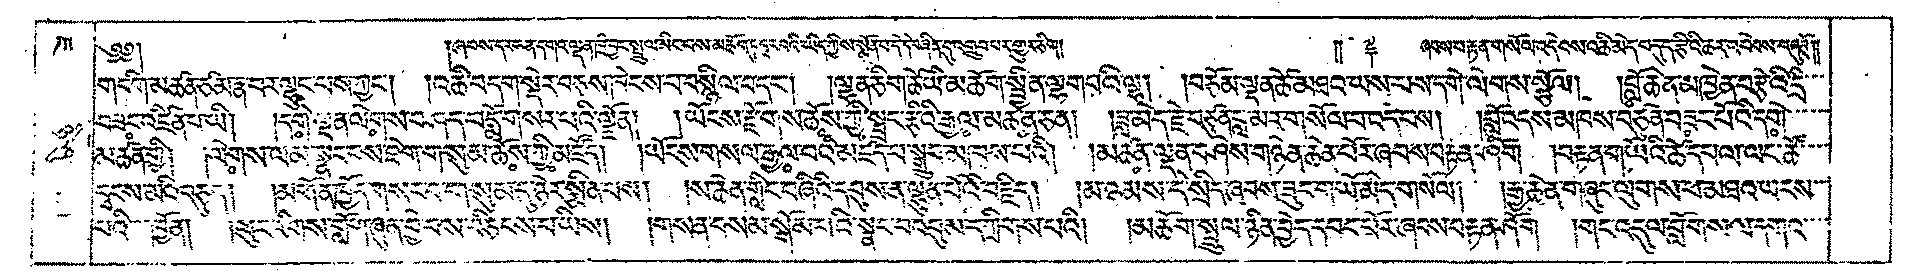༄༅། །ཞབས་དར་ཧན་དགའ་ལྡན་ཁྲི་བྱང་སྤྲུལ་མིང་པས་མཆོག་ཏུ་དྭང་བའི་ཡིད་ཀྱིས་སྨོན་པ་དེ་དེ་བཞིན་དུ་འགྲུབ་པར་གྱུར་ཅིག ། །། ༈ ཞབས་བརྟན་གསོལ་འདེབས་འཆི་མེད་བདུད་རྩིའི་ཆར་འབེབས་བཞུགས། །
གང་གི་མཚན་ཙམ་རྣ་བར་ལྷུང་པས་ཀྱང་། །འཆི་བདག་སྡེར་བཅས་ཁེངས་པ་བསྙིལ་བ་དང་། །ལྷན་ཅིག་ཚེ་ཡི་མཆོག་སྦྱིན་ལྷག་པའི་ལྷ། །བཅོམ་ལྡན་ཚེ་མཐའ་ཡས་པས་དགེ་ལེགས་སྩོལ། །བློ་ཆེན་མཁྱེན་བརྩེའི་དྲི་
བཟང་འཛིན་པ་ཡི། །དགེ་ལྡན་ལེགས་བཤད་པདམོ་གསར་པའི་ལྗོན། །ཡོངས་རྫོགས་ཆོས་ཀྱི་སྦྲང་རྩིའི་རྒྱལ་མཚན་ཅན། །ཟླ་མེད་རྗེ་བཙུན་བླ་མར་གསོལ་བ་འདེབས། །བློ་འདས་མཁས་བཙུན་བཟང་པོའི་དགེ་
མཚན་གྱི། །ལེགས་ལམ་སྣང་བས་ཐེག་གསུམ་ཆོས་ཀྱི་མཛོད། །ཡོངས་གསལ་རྒྱལ྾་བའི་མཛད་པ་སྒྲུབ་མཁས་པའི། །མཚན྾་ལྡན་བཤེས་གཉེན་ཆེན་པོར་ཞབས་བརྟན་ཤོག །བརྟན་གཡོའི་ཚེ་དཔལ་ལང་ཚོ་
དྭངས་མའི་བཅུད། །མགོན་ཁྱོད་གསང་བ་གསུམ་དུ་ཉེར་སྨིན་པས། །ས་ཆེན་གླིང་བཞིའི་དབུས་ན་ལྷུན་པོའི་བརྗིད། །མ་ཉམས་དེ་སྲིད་ཞབས་ཟུང་གཡོ་མེད་གསོལ། །རྒྱ་ཆེན་གཞུང་ལུགས་ཕ་མཐའ་ཡངས་
པའི་ཁྱོན། །ལུང་རིགས་གློག་ཞུན་བྱེ་བས་བཅིངས་པ་ཡིས། །གསན་བསམ་སྒོམ་པའི་སྣང་བ་འབུམ་དཀྲིགས་པའི། །མཆོག་སྤྲུལ་ཉིན་བྱེད་དབང་པོར་ཞབས་བརྟན་ཤོག །གང་འདུལ་བློ་གསལ་དགའ་